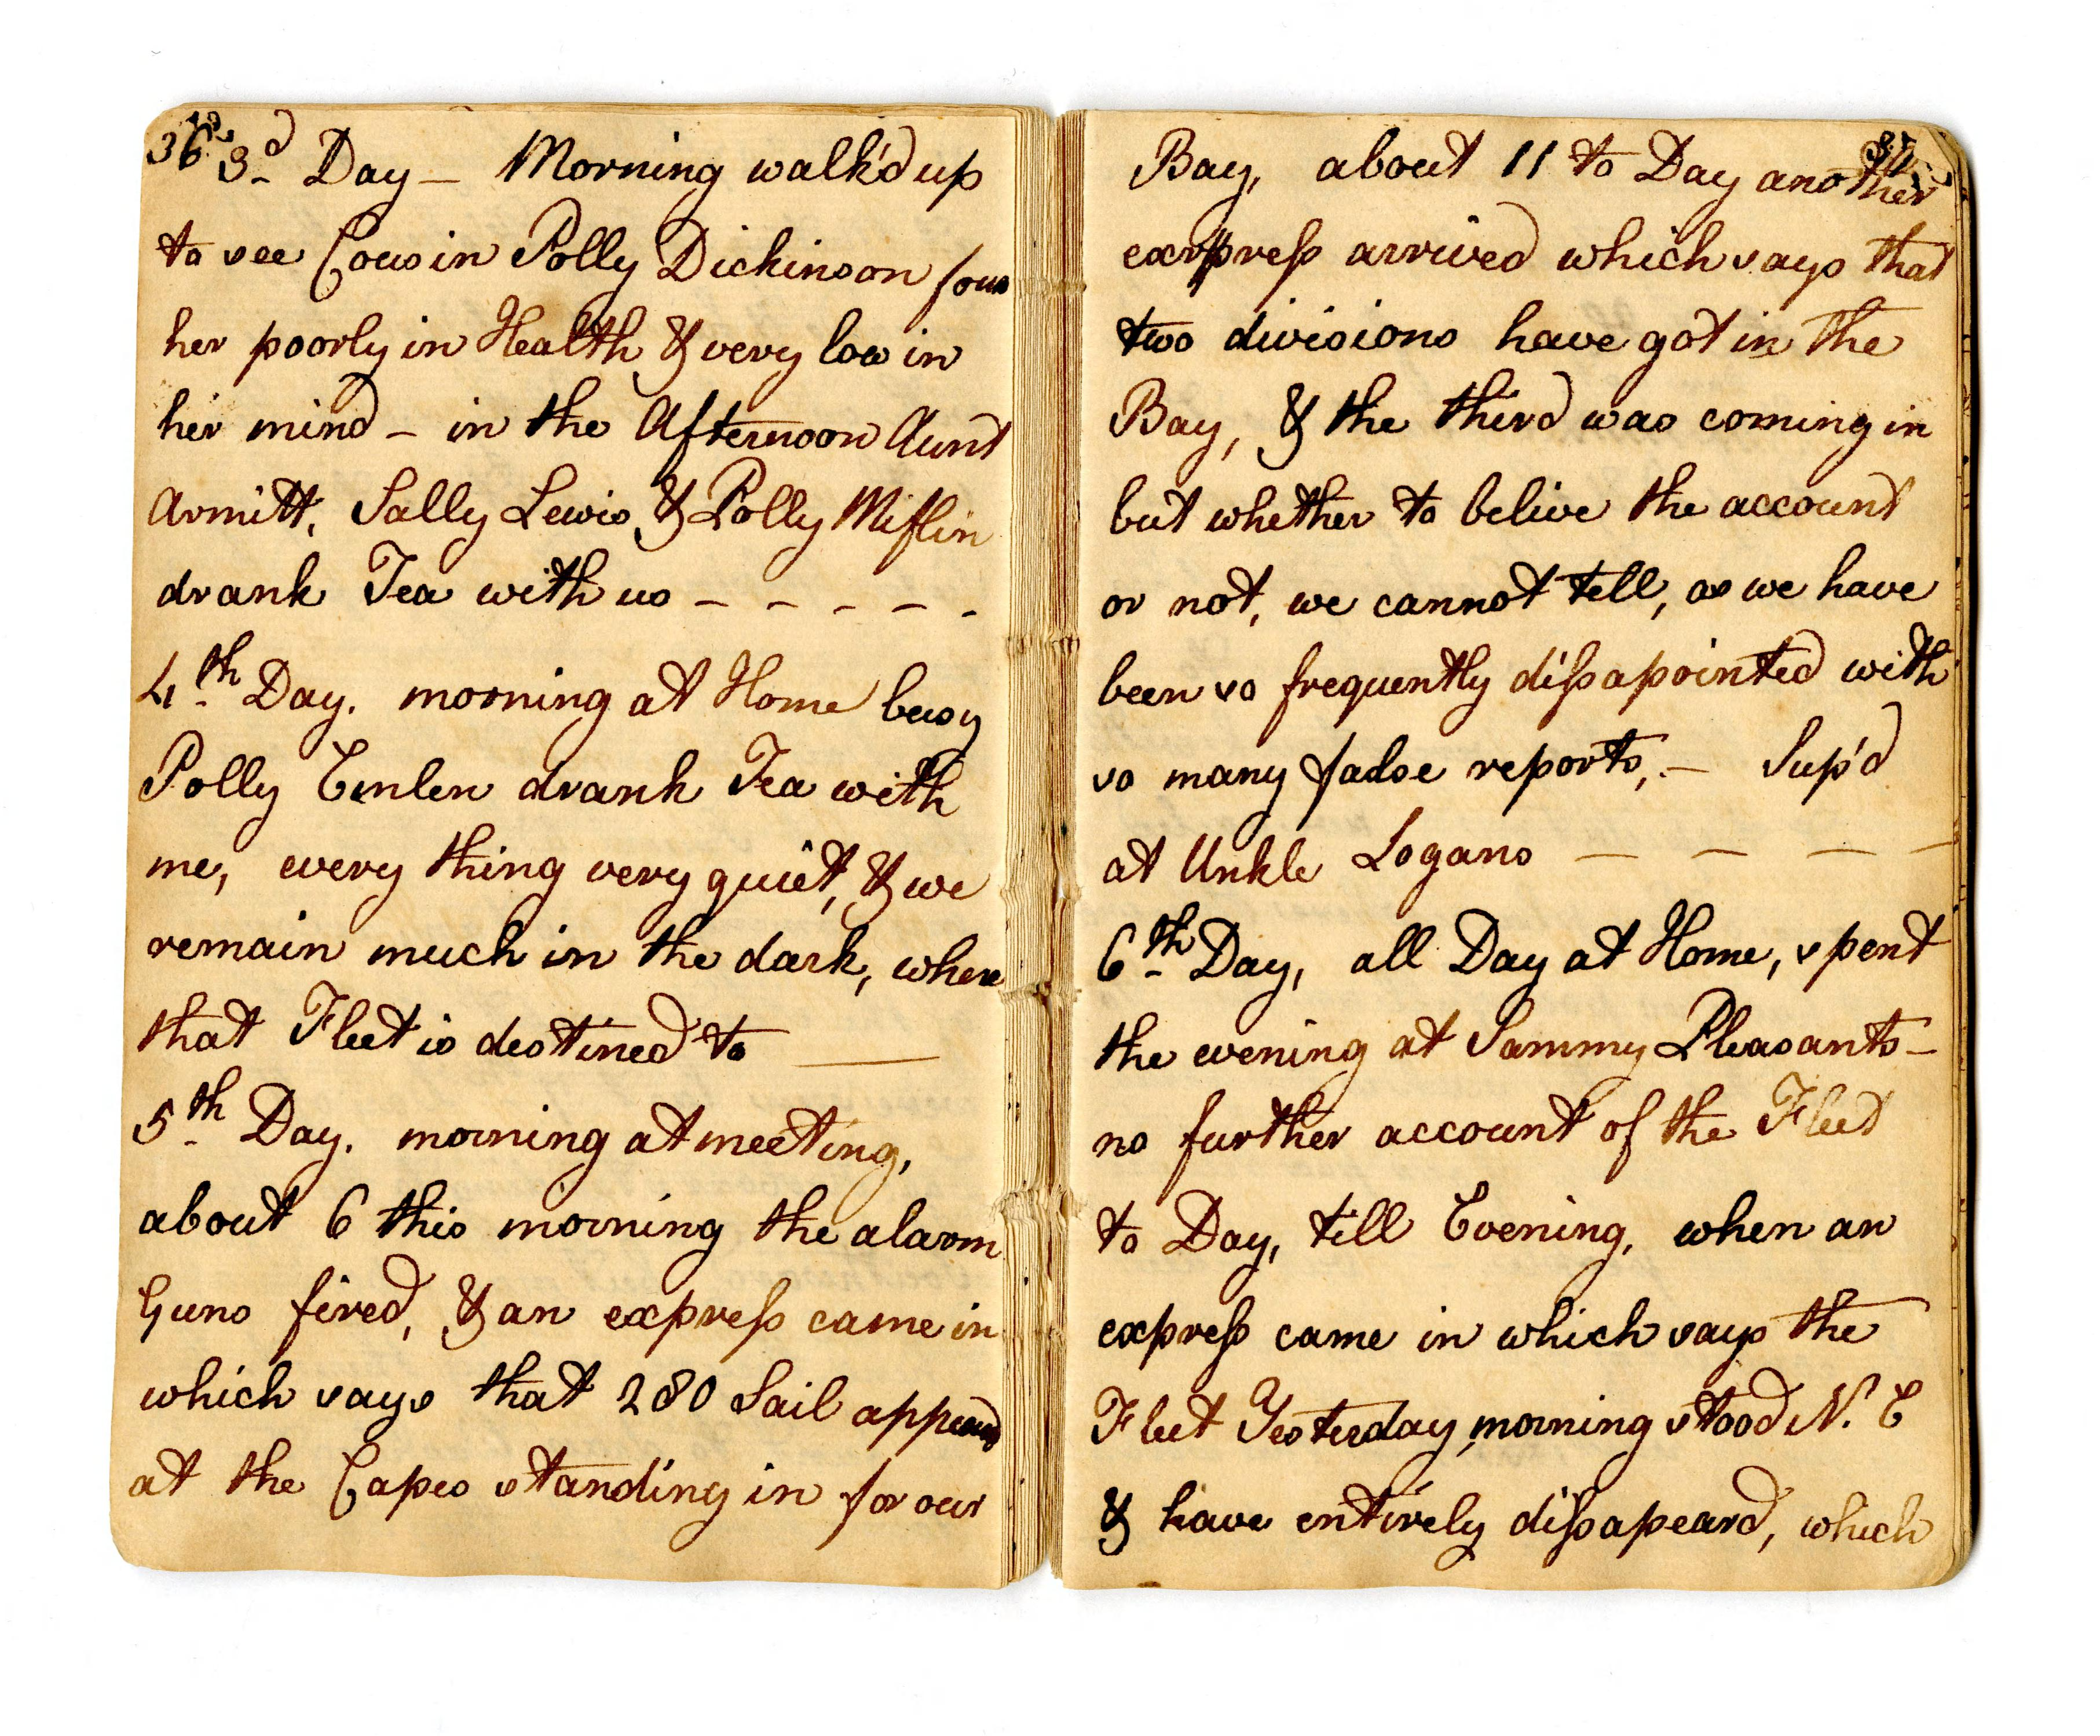3^d Day- Morning walk'd up
to see Cousin Polly Dickinson foun
her poorly in Health & very low in
her mind- in the Afternoon Aunt
Armitt, Sally Lewis & Polly Miflin
drank Tea with us-
4^th Day. morning at Home busy
Polly Emlen drank Tea with
me, every thing very quiet, & we
remain much in the dark, where
that Fleet is destined to
5^th. Day. morning at meeting,
about 6 this morning the alarm
Guns fired, & an express came in
which says that 280 Sail appeard
at the Capes standing in for our
Bay, about 11 to Day another
exrpress arrived which says that
two divisions have got in the
Bay, & the third was coming in
but whether to belive the account
or not, we cannot tell, as we have
been so frequently dissapointed with
so many false reports,- Sup'd
at Unkle Logans-
6^th Day, all Day at Home, spent
the evening at Sammy Pleasants-
no further account of the Fleet
to Day, till Evening, when an
express came in which says the
Fleet Yesterday, morning stood N. E
& have entirely dissapeard, which